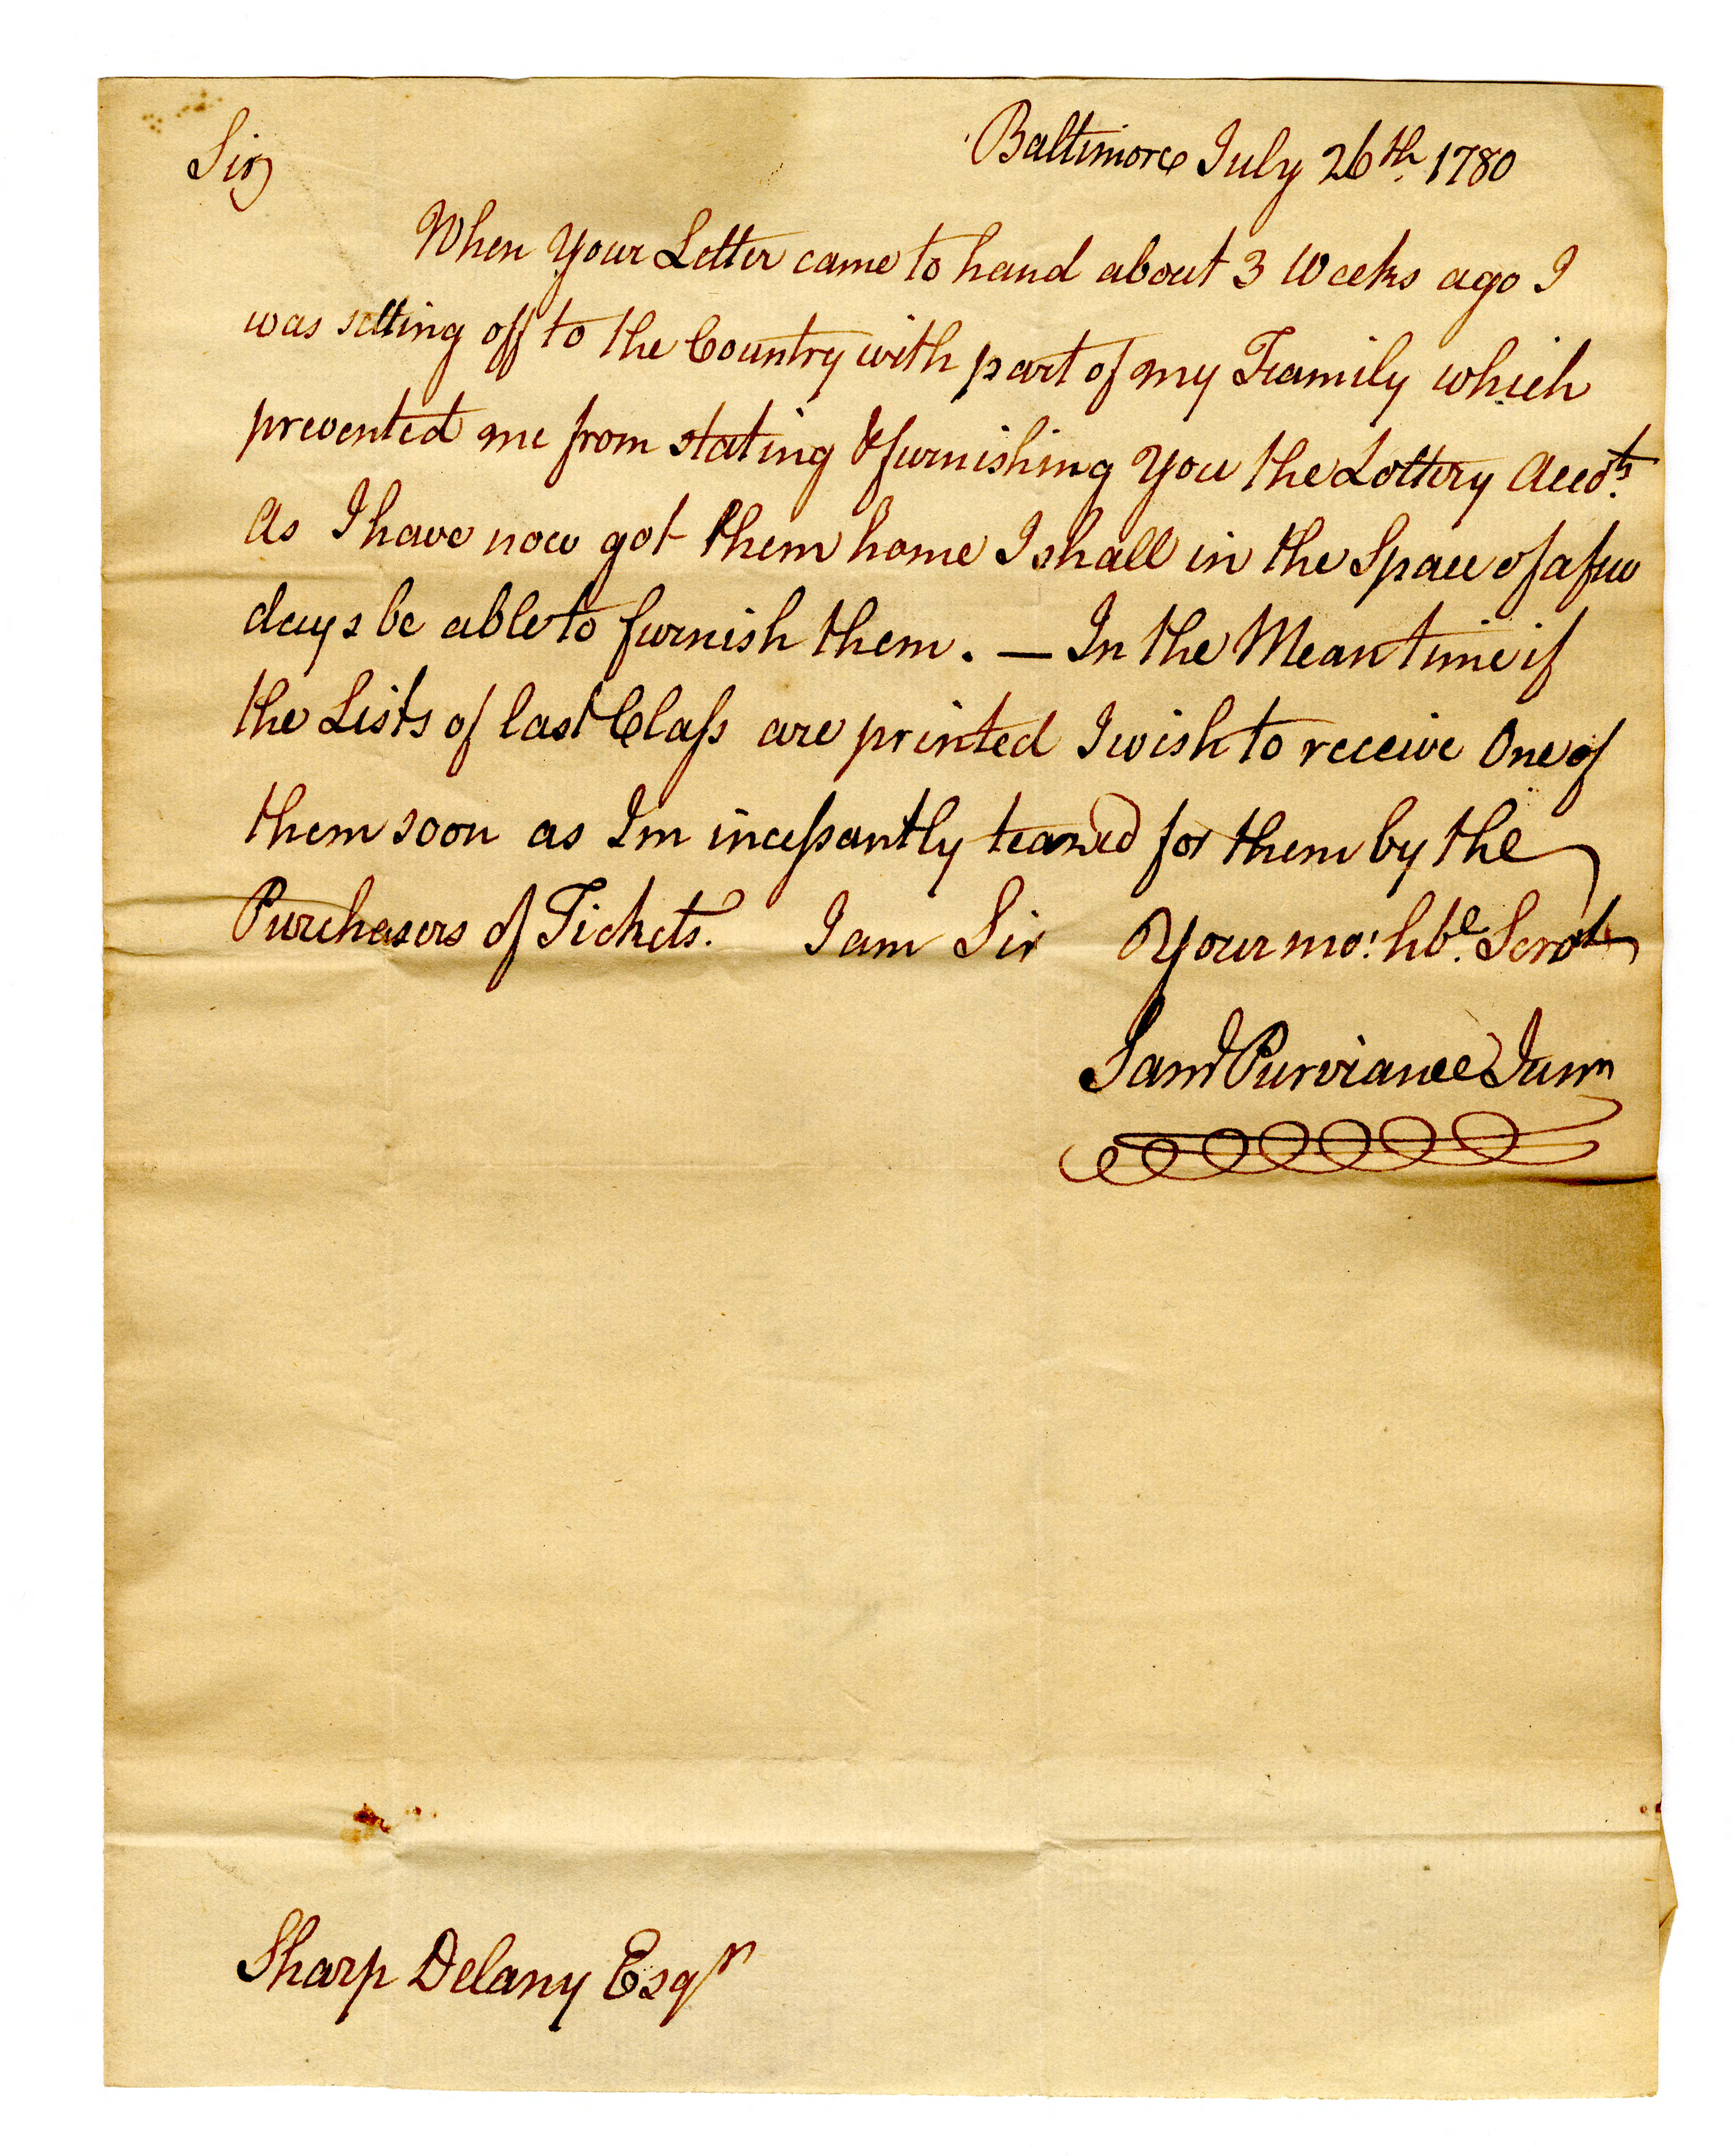Baltimore July 26^th. 1780
Sir,
When your Letter came to hand about 3 weeks ago I
was setting off to the country with part of my Family which
prevented me from stating & furnishing you the Lottery Acco^ts.
as I have now got them home I shall in the space of a few
days be able to furnish them.- In the Meantime if
the Lists of last Class are printed I wish to receive One of
them soon as Im incessantly Leaned for them by the
Purchasers of Tickets. I am Sir Your mo: hb^l. Serv^t
Sam^l Purviance Junr
Sharp Delany Esq^r